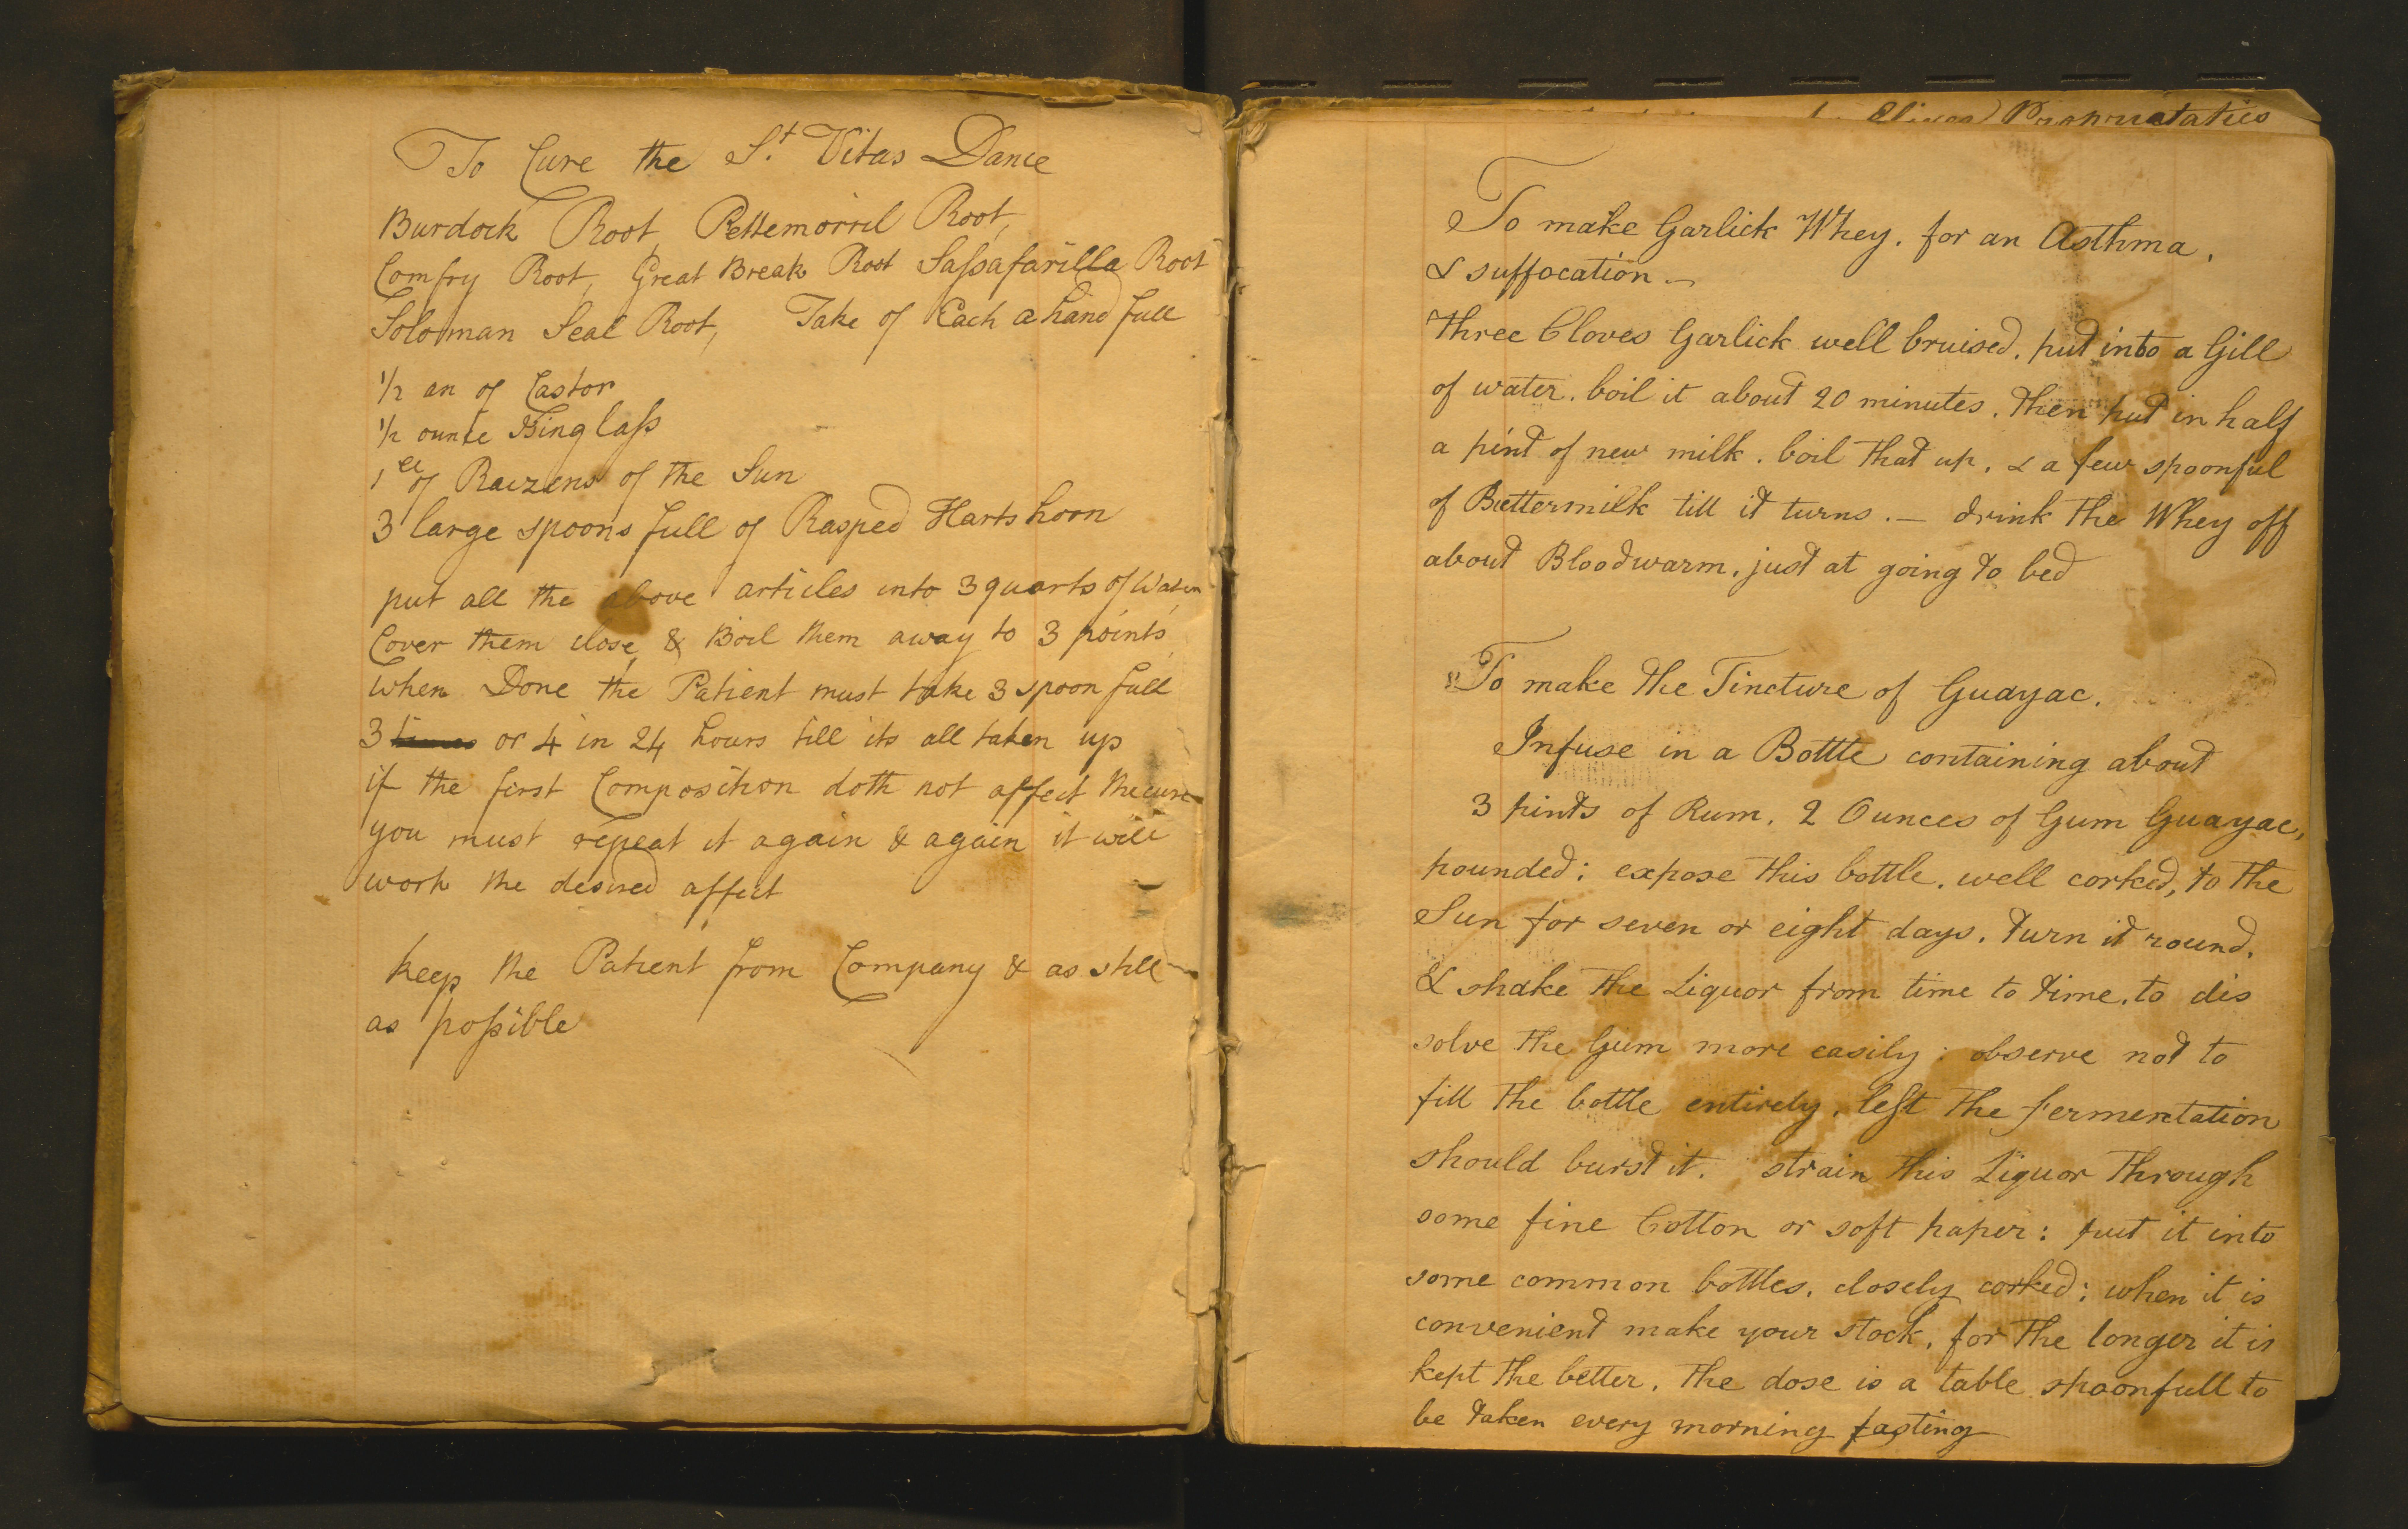To Cure the S^t. Vitas Dance
Burdock Root Rettemorril Root,
Comfry Root, Great Break Root Sassafarilla Root
Soloman Seal Root, Take of Each a hand full
1/2 an of Castor
1/2 ounce ringlass
1 ^lb of Raizens of the sun
3 large spoons full of Rasped Hartshorn
put all the above articles into 3 quarts of Water
Cover them close & Boil them away to 3 points
when Done the Patient must take 3 spoon full
3 [_____] or 4 in 24 hours till its all taken up
if the first Composition doth not affect the cure
you must repeat it again & again it will
work the desired affect
keep the Patient from Company & as still
as possible
To make Garlick Whey. for an Asthma.
& suffocation
Three Cloves Garlick well bruised. put into a Gill
of water. boil it about 20 minutes. Then put in half
a pint of new milk. boil that up, & a few spoonful
of Buttermilk till it turns.- drink the Whey off
about Bloodwarm, just at going to bed
To make the Tincture of Gudyac.
Infuse in a Bottle containing about
3 pints of Rum, 2 Ounces of Gum Guayac,
pounded; expose this bottle, well corked, to the
sun for seven or eight days, turn it round,
& shake the Liquor from time to time, to dis
solve the Gum more easily; observe not to
fill the bottle entirely, lest the fermentation
should burst it. strain this Liquor through
some fine Cotton or soft paper: put it into
some common bottles, closely corked: when it is
convenient make your stock, for the longer it is
kept the better. The dose is a table spoonfull to
be taken every morning fasting